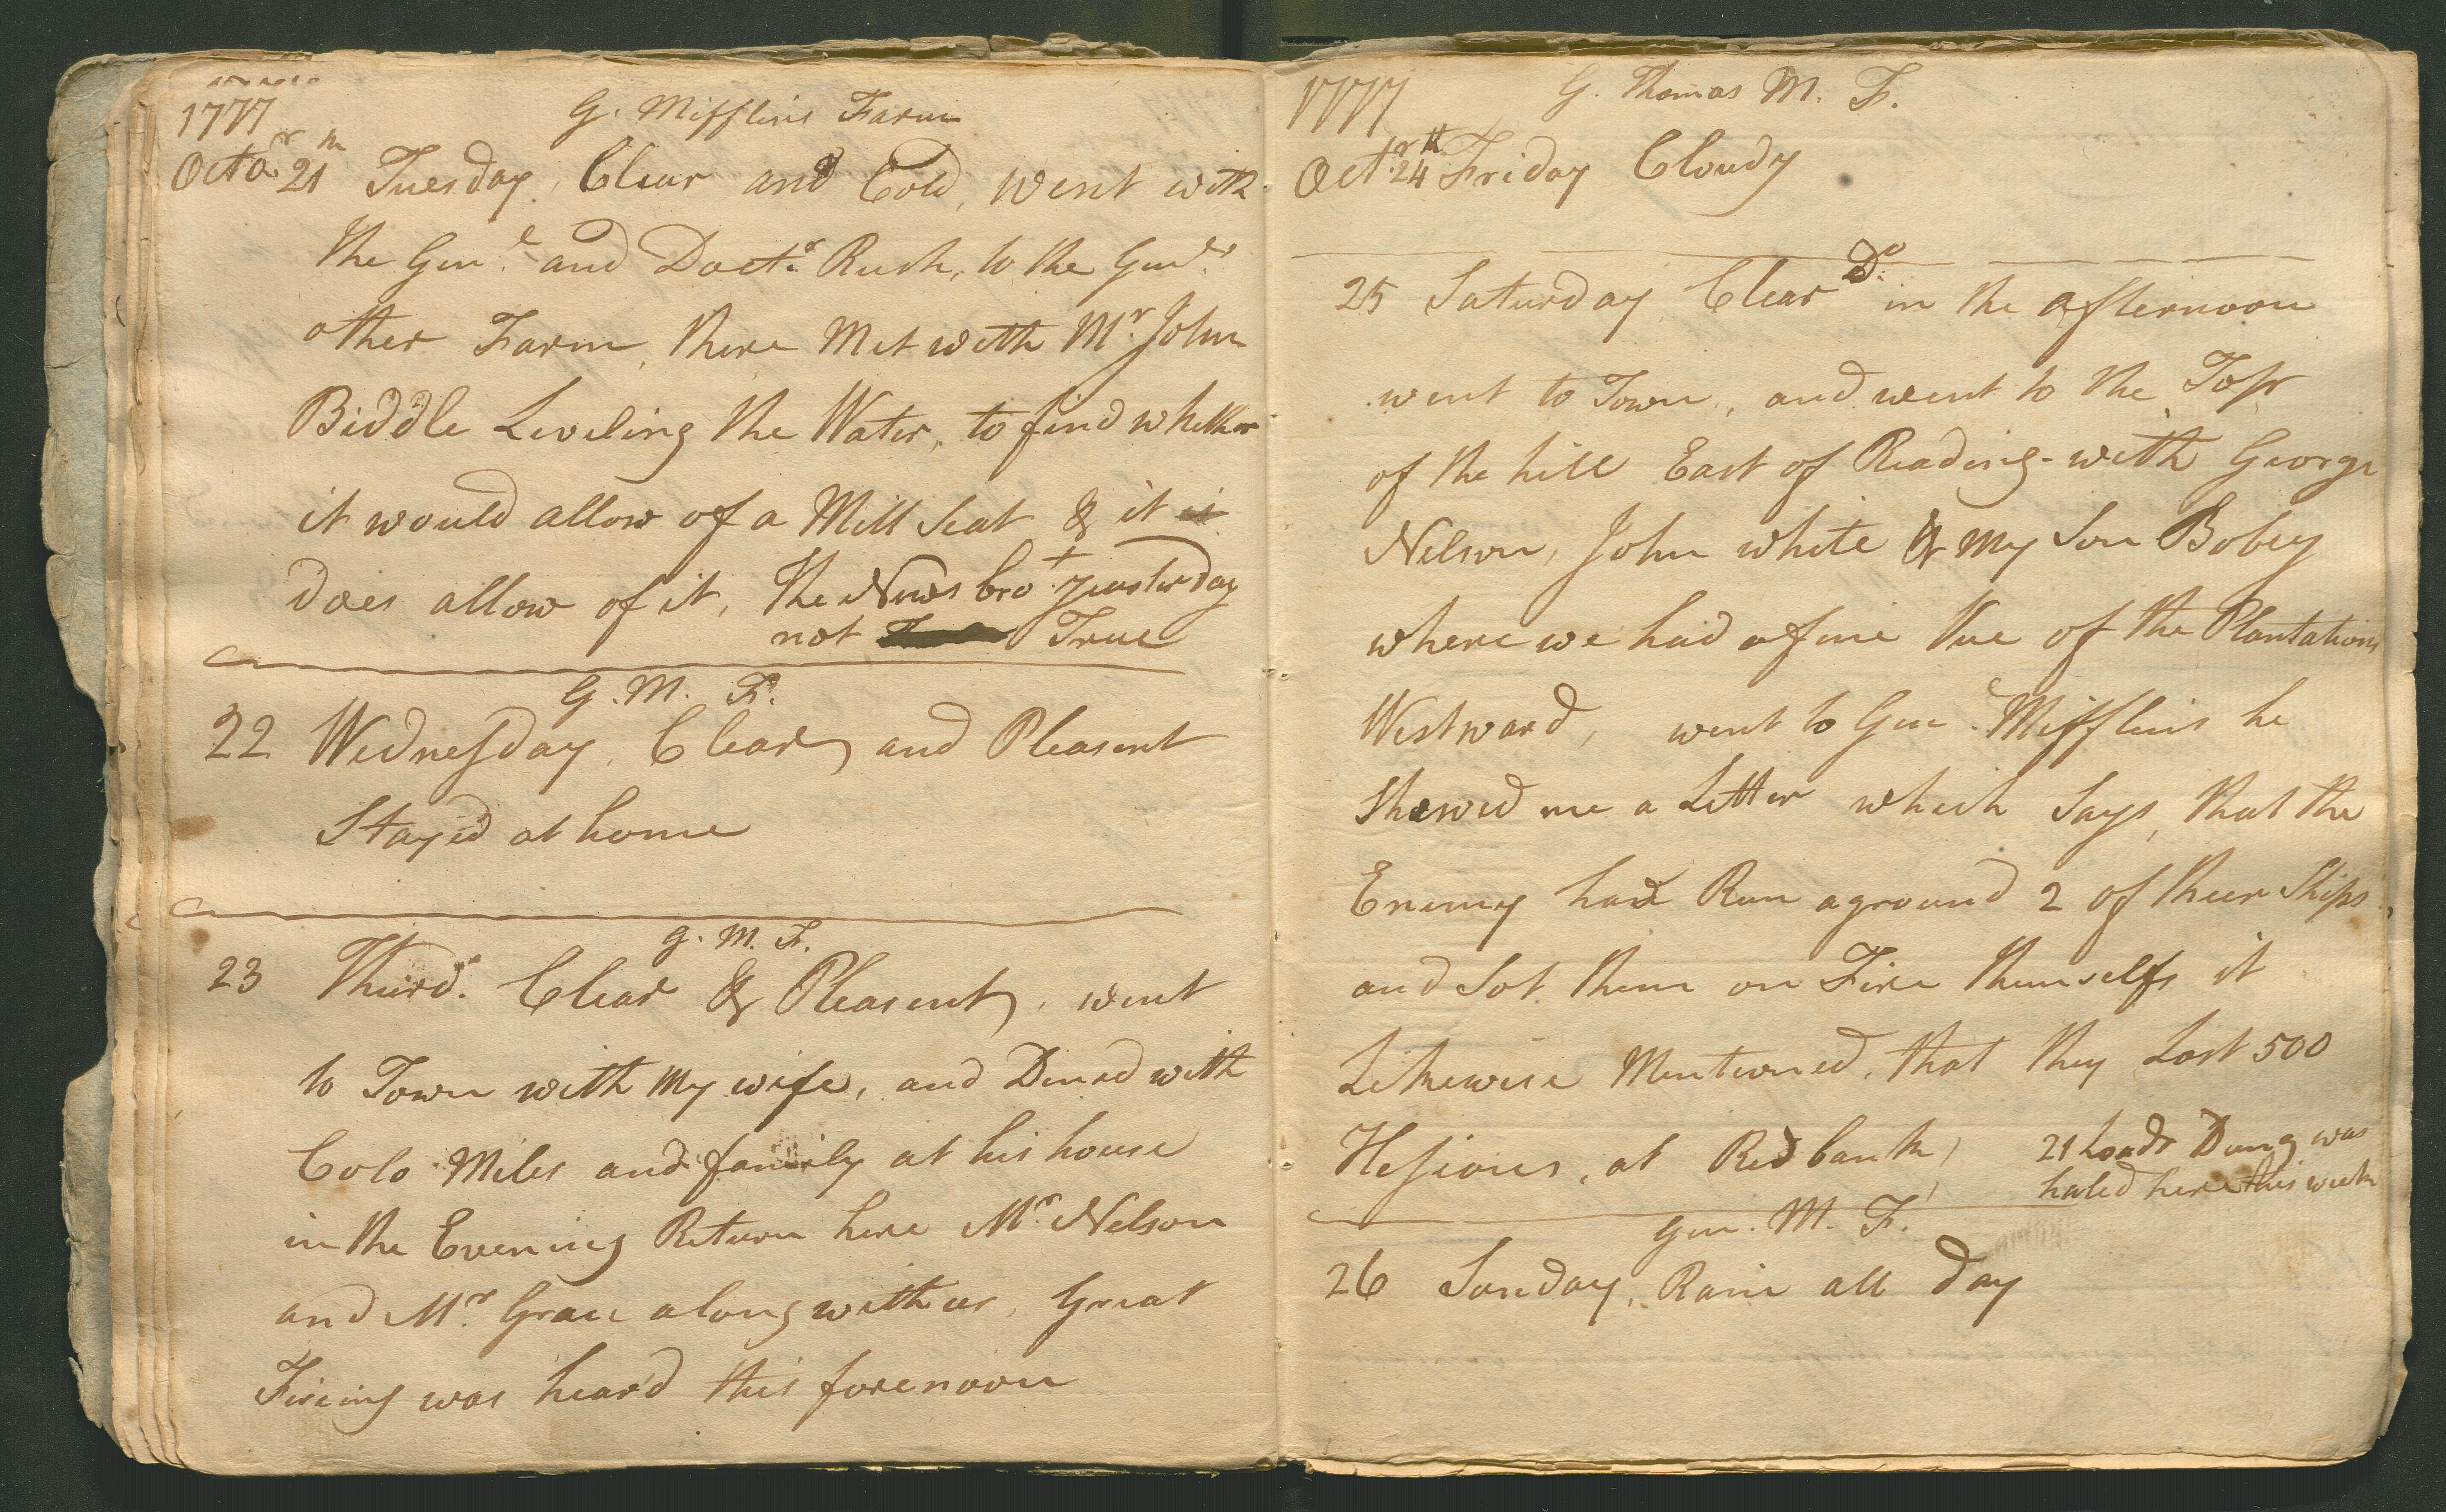1777
G. Mifflins Farm
Octo^r. 21^th Tuesday, Clear and Cold. went with
The Gen^l. and Doct^r. Rush, to the Gen^ls.
other Farm there Met with M^r. John
Biddle Leveling the Water, to find whether
it would allow of a Mill Seat & it [is]
does allow of it, The News bro^t yeasterday
not [____] True
G. M. F.
22 Wednesday. Clear and Pleasent
Stayed at home
G. M. F.
23 Thurd. Clear & Pleasent, went
to Town with My wife, and Dined with
Colo Miles and family at his house
in the Evening Return here M^r. Nelson
and M^r. Grau along with us, Great
Fireing was hear'd this forenoon
Oct^r. 24^th Friday Cloudy
G. Thomas M. F.
1777
25 Saturday Clear in the afternoon
went to Town, and went to the Top
of the hill East of Reading with George
Nelson, John white & My son Bobey
where we had a fine Vue of the Plantations
Westward, went to Gene^l. Mifflins he
Shewed me a Letter which says that the
Enemy had Run aground 2 of their Ships
and set them on Fire themselfs it
Likewise Mentioned that they Lost 500
Hesians, at Redbank, 21 Loads Dung was
haled here this week
Gen. M. F.
26 Sunday. Rain all day